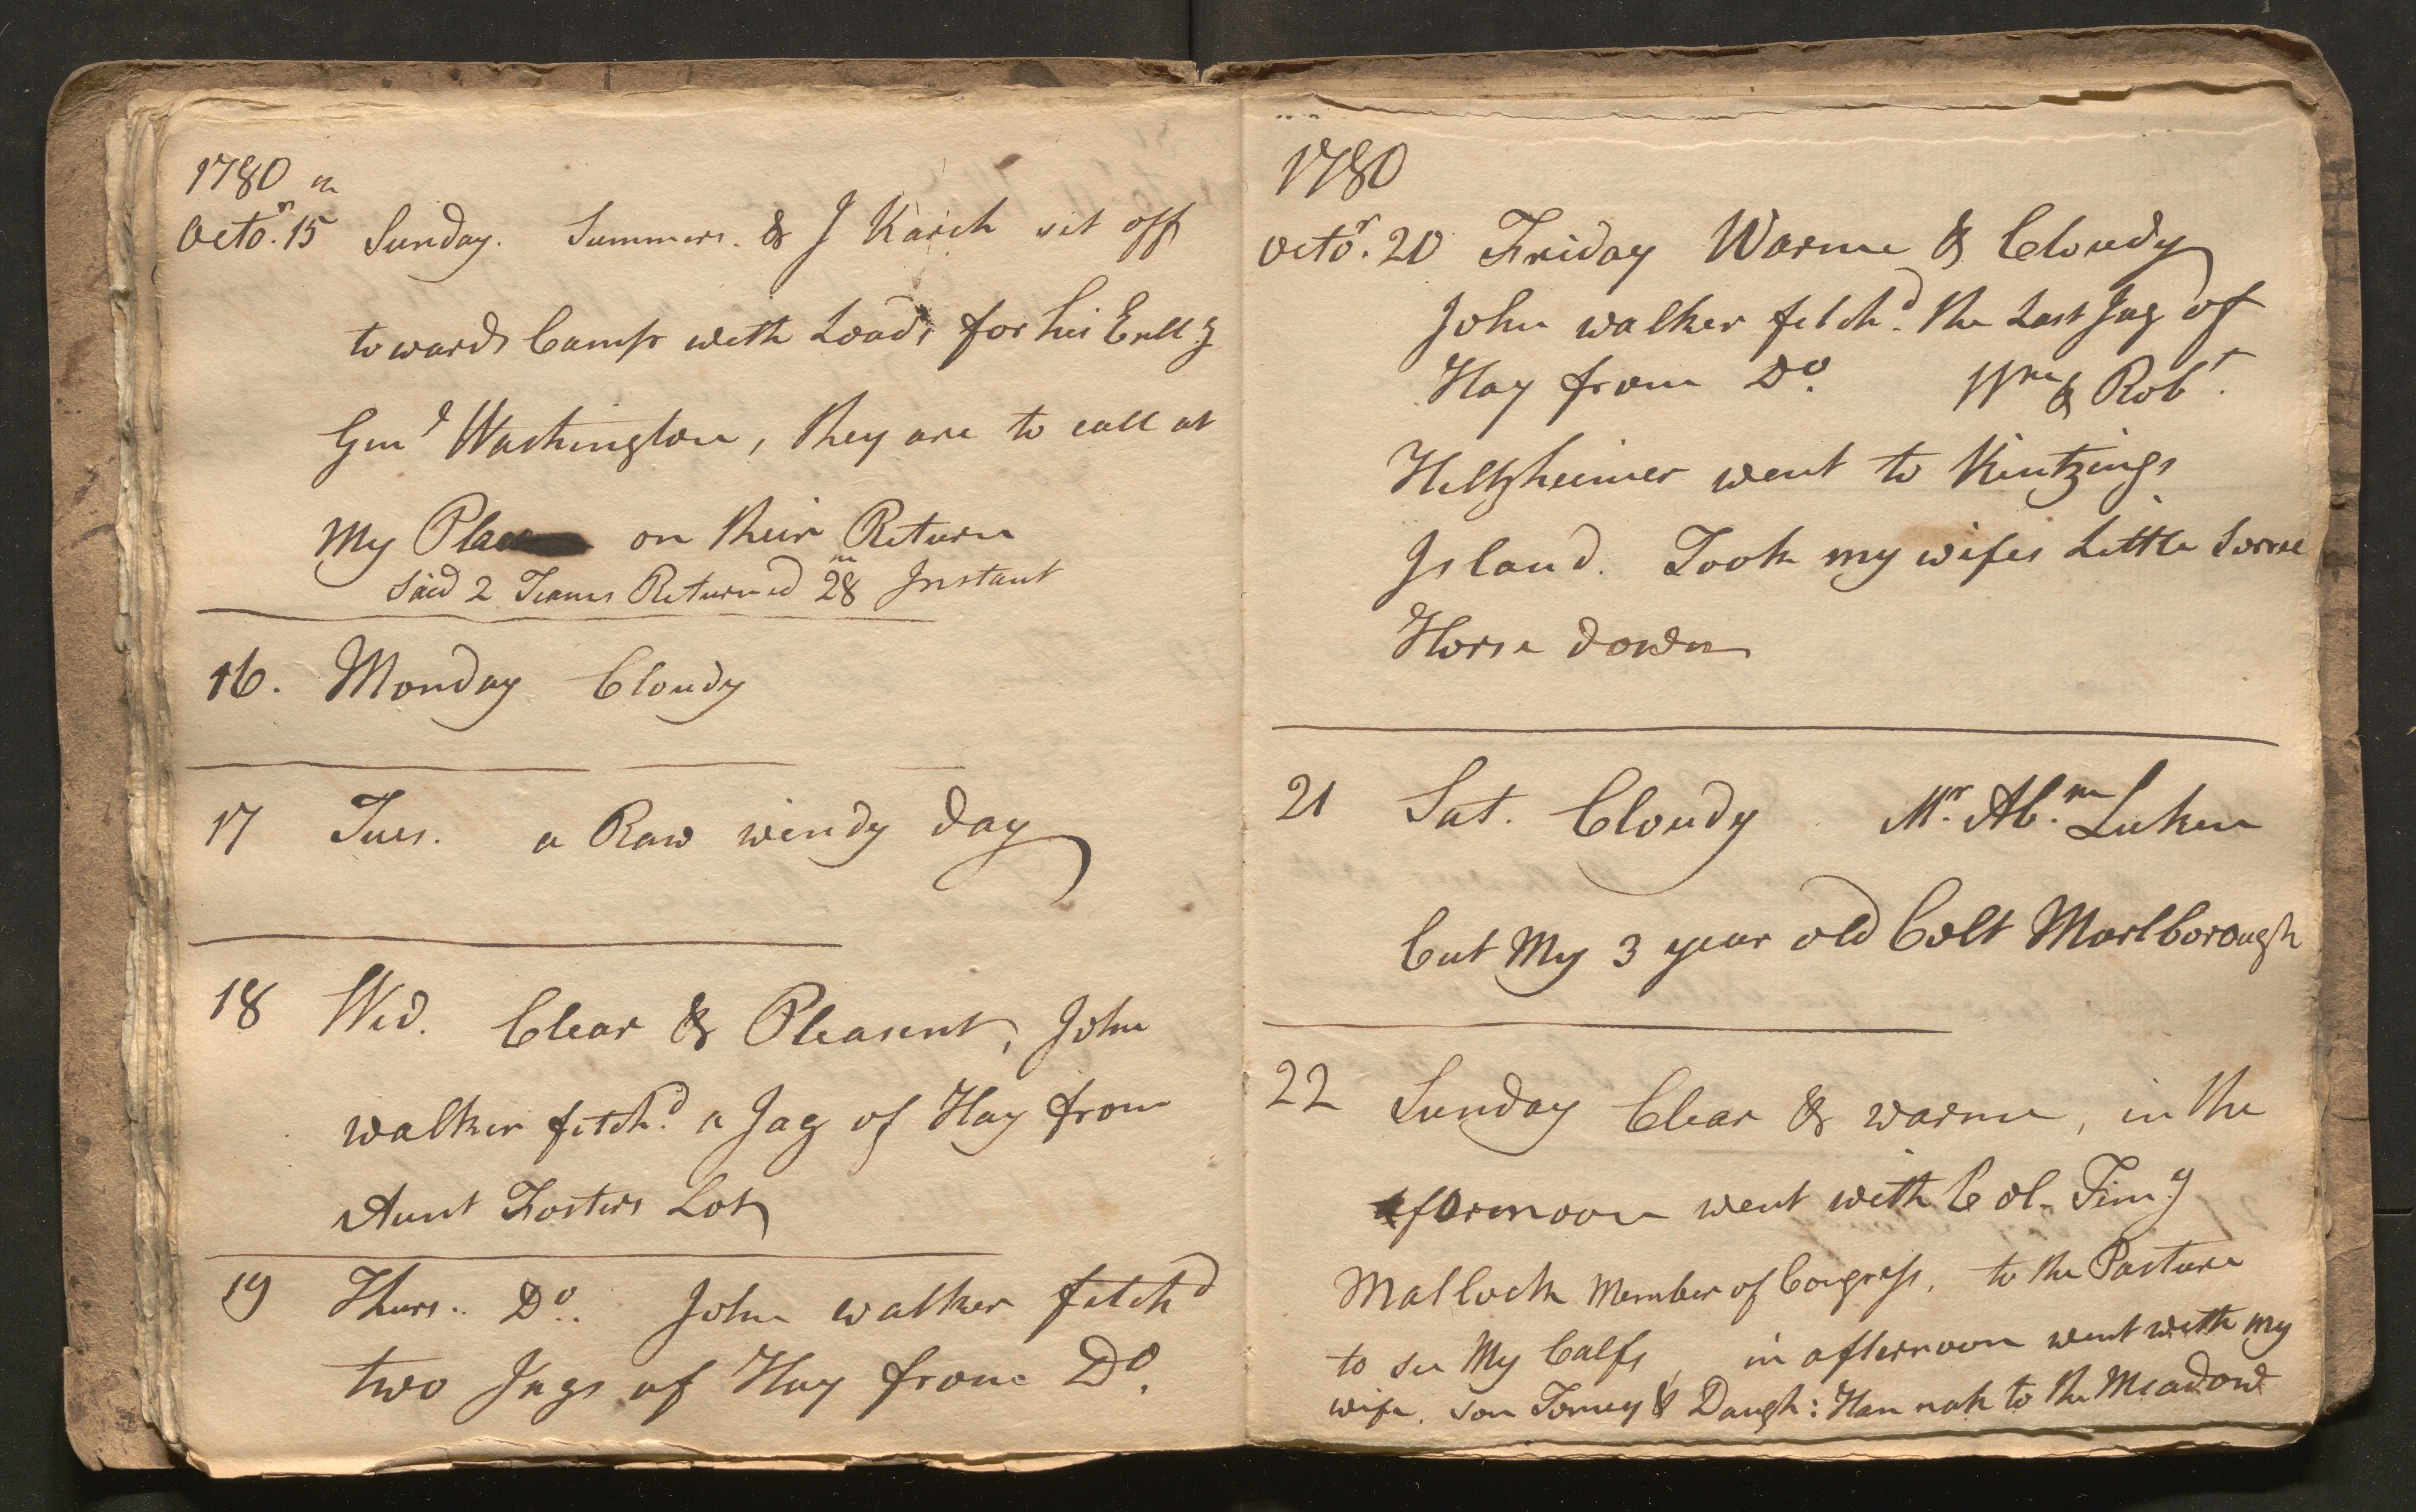1780
Octo^r. 15^th Sunday. Summers & J Karch set off
to wards Camp with Loads for his Exll^y.
Gen^l. Washington, they are to call at
My Place on their Return
Said 2 Teams Returned 28^th Instant
16. Monday Cloudy
17 Tues. a Raw windy day
18 Wed. Clear & Pleasent, John
walker fetch^d. a Jag of Hay from
Aunt Fosters Lot
19 Thurs. D^o.. John walker fetch^d
two Jags of Hay from D^o.
1780
Octo^r. 20 Friday Warme & Cloudy
John walker fetch^d. the Last Jag of
Hay from D^o.
W^m & Rob^t.
Hiltzheimer went to Kintzings
Island. Took my wifes Little sorrel
Horse down
21 Sat. Cloudy M^r. Ab^m. Luken
Cut My 3 year old Colt Marlborough
22 Sunday Clear & warme, in the
afermoon went with C ol. Tim^y.
Matlock Member of Corgress, to the Pasture
to see My Calfs, in afternoon went with my
wife, son Tomey & Daugh. Hannah to the Meadow